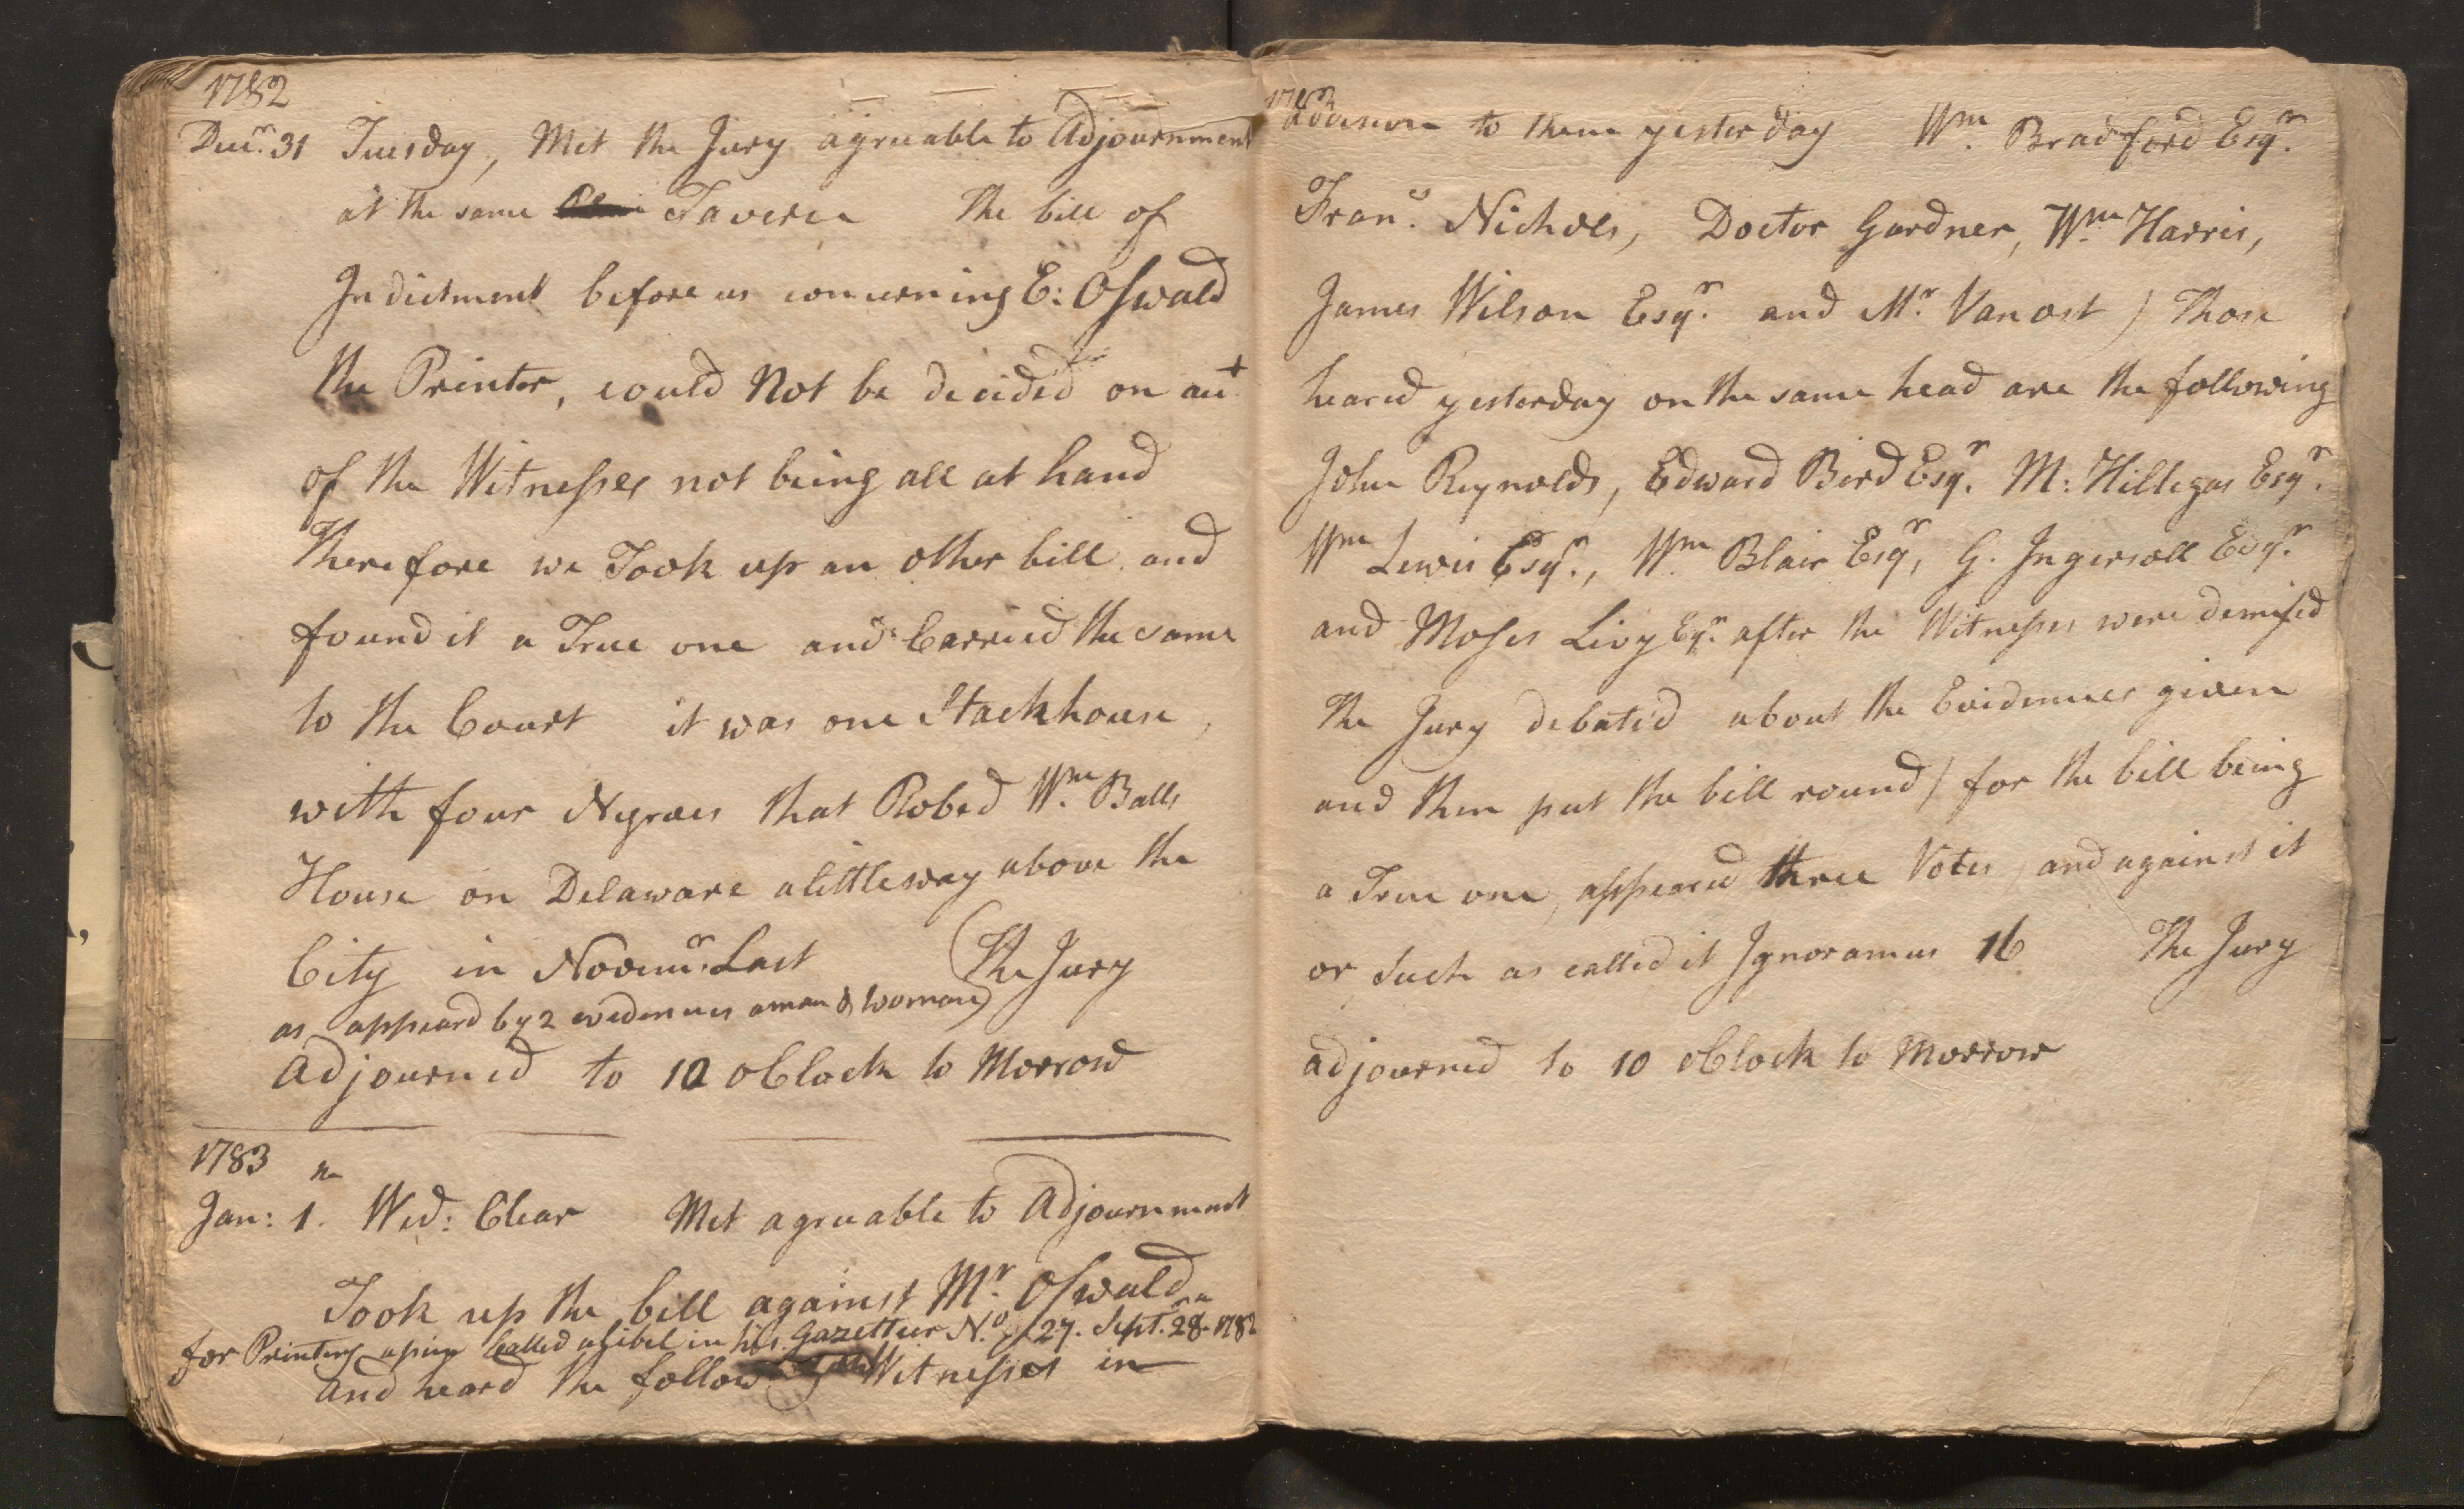1782
Dec^r. 31 Tuesday, Met the Jury agreeable to Adjournment
at the same [Place] Tavere- The bill of
Indictment before us concerning E: Oswald
the Printer, could not be decided on acc^t
of the Witnesses not being all at hand
Therefore we Took up an other bill and
found it a True one and Carried the same
to the Court it was one Stackhouse
with four Negroes that Robed W^m. Balls
House on Delaware a little way above the
City, in Novem^r. Last
as appeard by 2 evidences a man & woman
The Jury
adjourned to 10 oClock to Morrow
1783
Jan: 1^th. Wed. Clear Met agreeable to Adjournment
Took up the bill against M^r. Oswald
for Printing, apin Called a libel in his Gazetteer N^o. 27. Sept^r. 28^th. 1782
and heard the following Witnesses in
answer to them yesterday W^m. Bradford Esq^r.
Fran^s. Nichols, Doctor Gardner, W^m. Harris,
James Wilson Esq^r. and M^r. Vanast) Those
heard yesterday on the same head are the following
John Reynolds, Edward Bird Esq^r. M. Hilligas Esq^r.
W^m Lewis Esq^r., W^m. Blair Esq^r. G. Ingersoll Esq^r.
and Moses Livy bq^r. after the Witnesses were demised
The Jury debated about the Evidences given
and then put the bill round / for the bill being
a True one, appeared three Votes, and against it
or such as called it Ignoramus 16 The Jury
adjourned to 10 oClock to Morrow